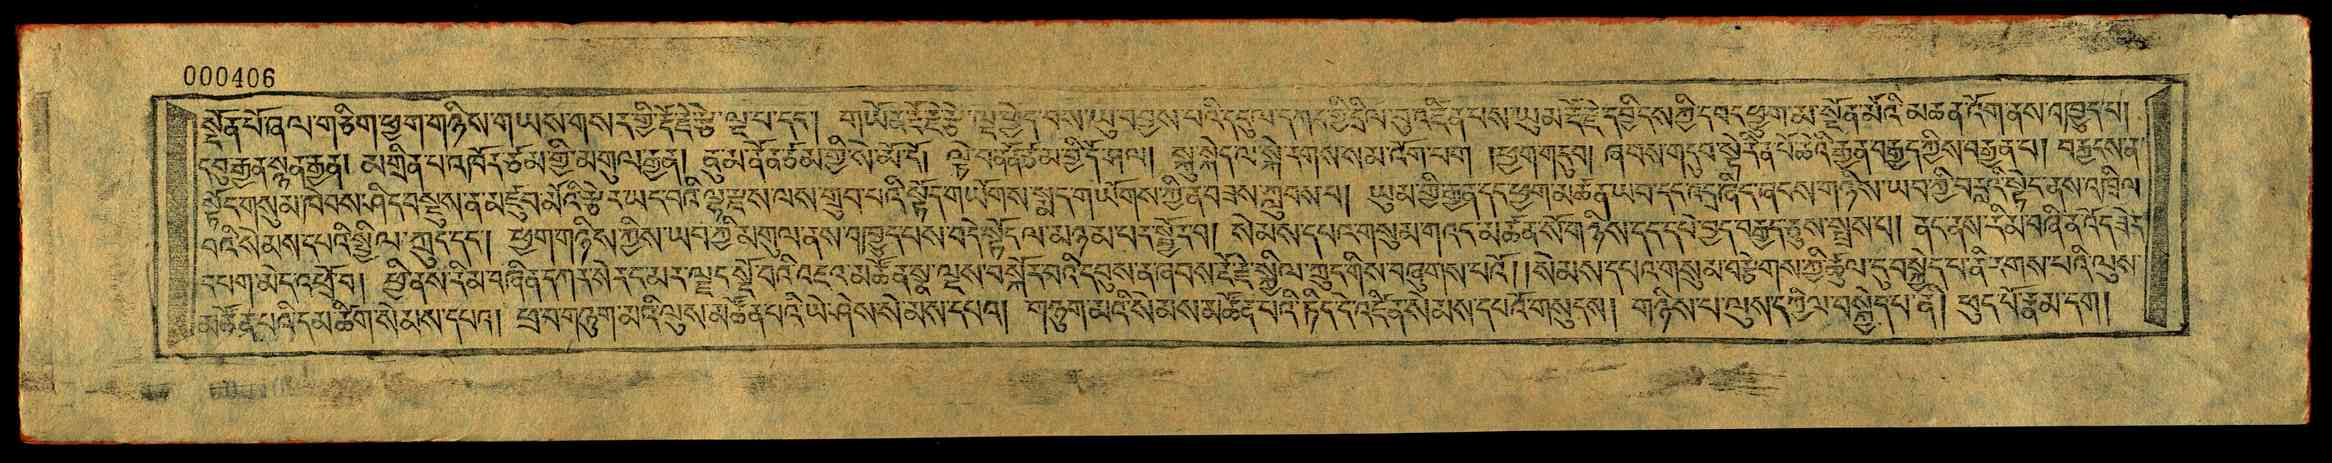སྔོན་པོ་ཞལ་གཅིག་ཕྱག་གཉིས་གཡས་གསེར་གྱི་རྡོ་རྗེ་རྩེ་ལྔ་པ་དང་། གཡོན་རྡོ་རྗེ་རྩེ་ལྔ་ཕྱེད་པས་ཡུ་བ་བྱས་པའི་དངུལ་དཀར་གྱི་དྲིལ་བུ་འཛིན་པས་ཡུམ་རྡོ་རྗེ་དབྱིངས་ཀྱི་དབང་ཕྱུག་མ་སྔོན་མོའི་མཚན་འོག་ནས་འཁྱུད་པ།
དབུ་རྒྱན་སྙན་རྒྱན། མགྲིན་པ་འཁོར་ཙམ་གྱི་མགུལ་རྒྱན། ནུ་མ་ནོན་ཙམ་གྱི་སེ་མོ་དོ། ལྟེ་བ་ནོན་ཙམ་གྱི་དོ་ཤལ། སྐུ་སྐེདླ་སྐེརགས་སམ་འོག་པག །ཕྱག་གདུབ། ཞབས་གདུབ་སྟེ་རིན་པོ་ཆེའི་རྒྱན་བརྒྱད་ཀྱིས་བརྒྱན་པ། བརྐྱངས་ན་
སྟོང་གསུམ་ཁེབས་ཤིང་བསྡུས་ན་མཛུབ་མོའི་རྩེར་ཡང་བའི་ལྷ་རྫས་ལས་གྲུབ་པའི་སྟོད་གཡོགས་སྨད་གཡོགས་ཀྱི་ན་བཟས་ཀླུབས་པ། ཡུམ་གྱི་རྒྱན་དང་ཕྱག་མཚན་ཡབ་དང་འདྲ་ཞིང་ཞབས་གཉིས་ཡབ་ཀྱི་བརླའིསྟེང་ནས་འཁྲིལ་
བའི་སེམས་དཔའི་སྐྱིལ་ཀྲུང་དང་། ཕྱག་གཉིས་ཀྱིས་ཡབ་ཀྱི་མགུལ་ནས་འཁྱུད་པས་བདེ་སྟོང་ལ་མཉམ་པར་སྦྱོར་བ། སེམས་དཔའ་གསུམ་གའང་མཚན་སོ་གཉིས་དང་དཔེ་བྱད་བརྒྱད་ཅུས་སྤྲས་པ། ནང་ནས་རིམ་བཞིན་འོད་ཟེར་
དཔག་མེད་འཕྲོ་བ། ཕྱི་ནས་རིམ་བཞིན་དཀར་སེར་དམར་ལྗང་སྔོ་བའི་འཇའ་མཚོན་སྣ་ལྔས་བསྐོར་བའི་དབུས་ན་ཞབས་རྡོ་རྗེ་སྐྱིལ་ཀྲུང་གིས་བཞུགས་པའོ། །སེམས་དཔའ་གསུམ་བརྩེགས་ཀྱི་ཚུལ་དུ་བསྐྱེད་པ་ནི་རགས་པའི་ལུས་
མཚོན་པའི་དམ་ཚིག་སེམས་དཔའ། ཕྲ་བ་གཉུག་མའི་ལུས་མཚོན་པའི་ཡེ་ཤེས་སེམས་དཔའ། གཉུག་མའི་སེམས་མཚོན་པའི་ཏིང་ངེ་འཛིན་སེམས་དཔའོ་གསུངས། གཉིས་པ་ལུས་དཀྱིལ་བསྐྱེད་པ་ནི། ཕུང་པོ་རྣམ་དག །